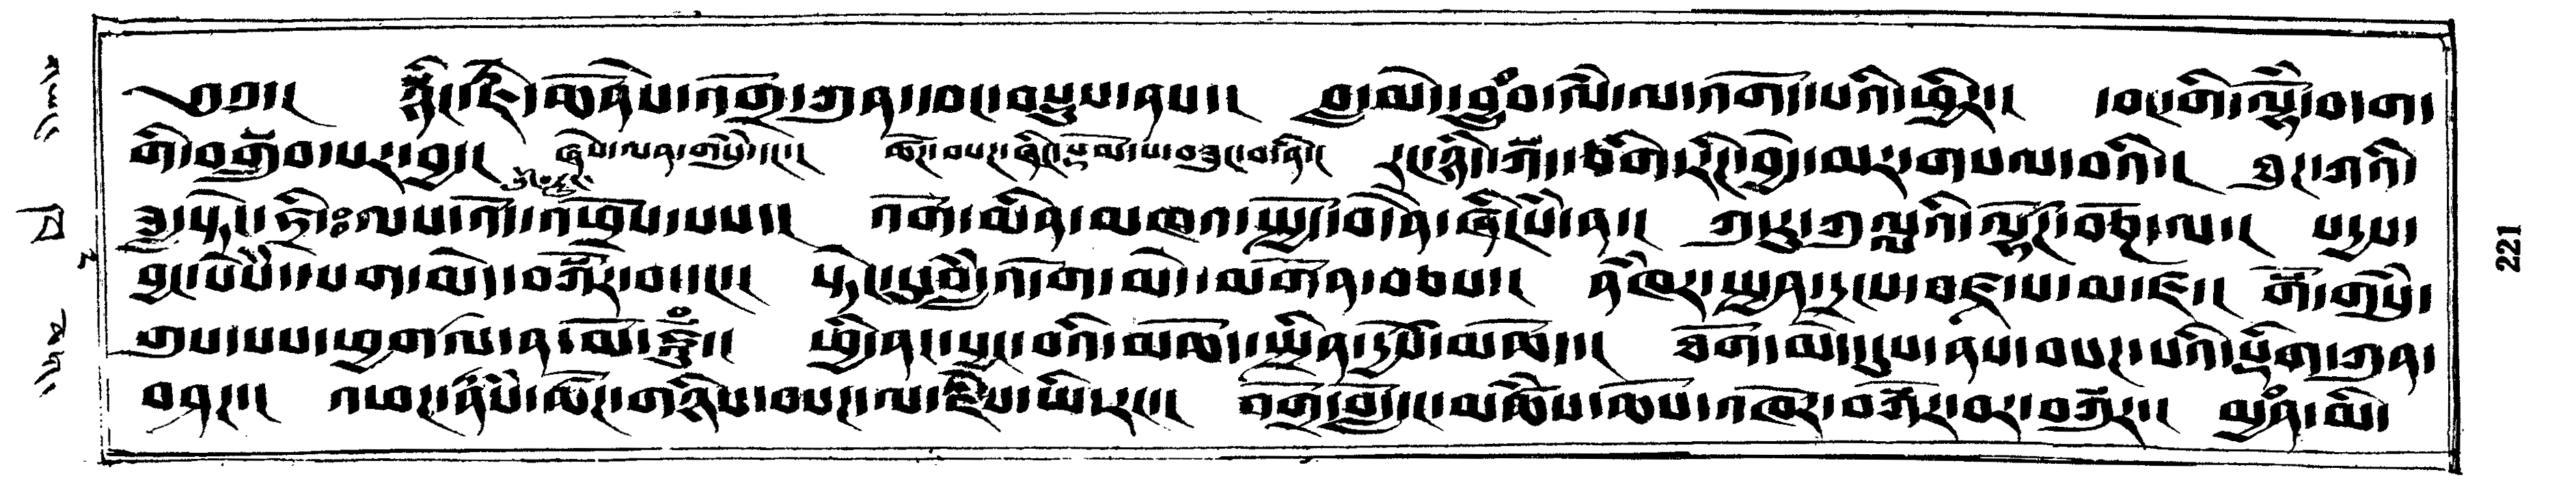སྙིང་རྗེ་ཆེན་པོས་འགྲོ་ཀུན་དབང་བསྡུས་ནས། །བླ་མེད་བྱང་ཆུབ་ལམ་ལ་འགོད་པའི་ཕྱིར། །དབང་གི་ལྷ་མོ་བདག་
གི་བསྒྲུབ་པར་བྱ།། སུམ་བརྡུང་། ཞེས་ལན་གསུམ་དང་། ཚོགས་བསགས་ཞིང་སྡོམ་པ་བཟུང་བ་ནི། རང་ཉིད་སྐད་ཅིག་རིགས་བྱེད་མར་གསལ་བའི། །ཐུགས་ཀའི་
ཟླ་སྟེང་ཧྲིཿ་ལས་འོད་འཕྲོས་པས། །འོག་མིན་མཁའ་སྤྱོད་བདེ་ཆེན་ཞིང་ཁམས་ན། །ཀུ་རུ་ཀུལླེའི་ལྷ་ཚོགས་བཅོ་ལྔ་ལ། །སངས་རྒྱས་
བྱང་སེམས་དཔག་མེད་བསྐོར་བ་དང་། །སྟེང་དུ་བླ་མ་འོད་དཔག་མེད་མགོན་བཅས། །ནམ་མཁར་སྤྱན་དྲངས་བཛྲ་ས་མ་ཛ། །སྒོ་གསུམ་
གུས་པས་ཕྱག་འཚལ་ན་མོ་ཧཱུྃ། །ཕྱི་ནང་གསང་བའི་མཆོད་སྤྲིན་རྒྱ་མཚོས་མཆོད། །ཐོག་མེད་དུས་ནས་བསགས་པའི་སྡིག་ཀུན་
བཤགས། །འཕགས་རྣམས་ཚོགས་གཉིས་བསགས་ལ་རྗེས་ཡི་རང་། །འགྲོ་བློ་དང་འཚམས་ཆོས་འཁོར་བསྐོར་བར་བསྐུར། །མྱ་ངན་མི་